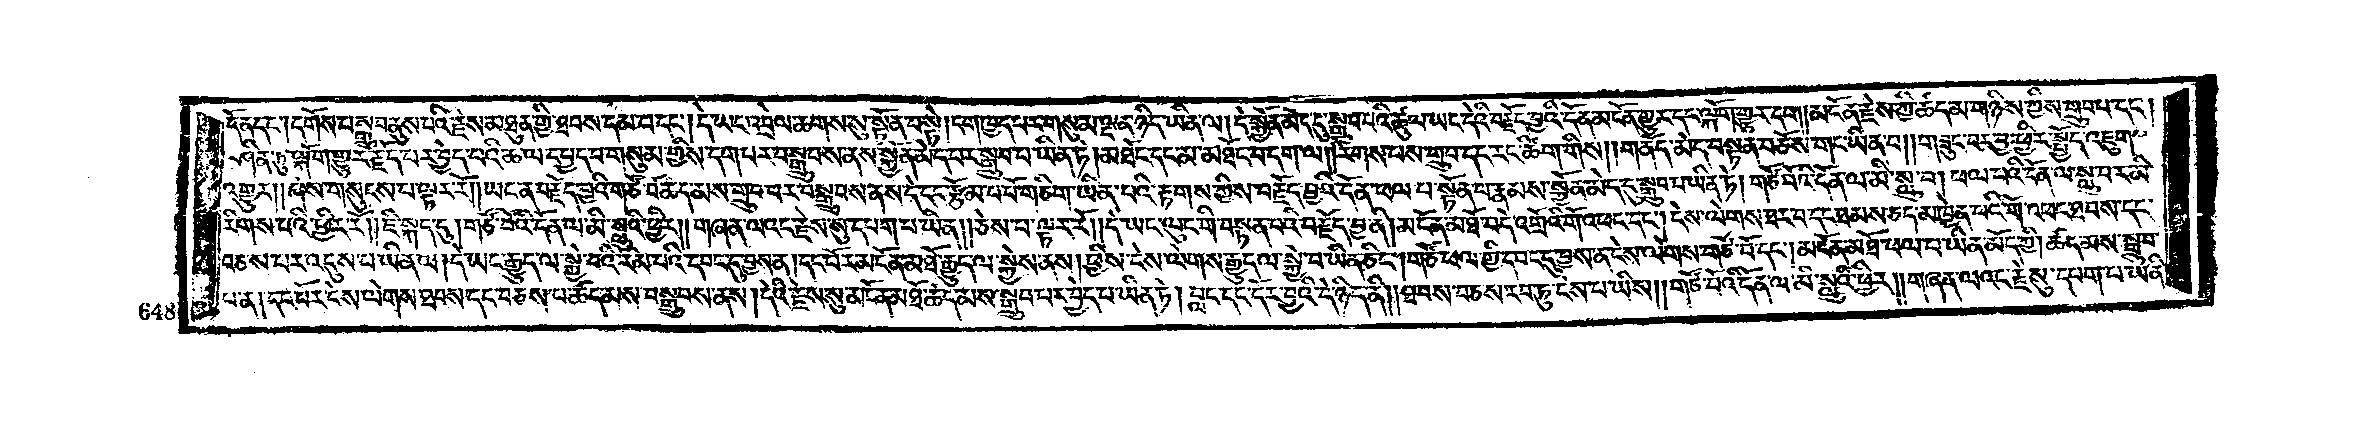དོན་དང་། དགོས་པ་སྒྲུབ་ནུས་པའི་རྗེས་མཐུན་གྱི་ཐབས་དམ་པ་དང་། དེ་ཡང་འགྲེལ་ཆགས་སུ་སྟོན་པ་སྟེ། ངག་ཁྱད་པར་གསུམ་ལྡན་ཉིད་ཡིན་ལ། དེ་སྐྱོན་མེད་དུ་སྒྲུབ་པའི་ཚུལ་ཡང་དེའི་བརྗོད་བྱའི་དོན་མངོན་གྱུར་དང་ལྐོག་གྱུར་དག། མངོན་རྗེས་ཀྱི་ཚད་མ་གཉིས་ཀྱིས་གྲུབ་པ་དང་།
ཤིན་ཏུ་ལྐོག་གྱུར་རྗོད་པར་བྱེད་པའི་ཆ་ལ་དཔྱད་པ་གསུམ་གྱིས་དག་པར་བསྒྲུབས་ནས་སྐྱོན་མེད་པར་སྒྲུབ་པ་ཡིན་ཏེ། མཐོང་དང་མ་མཐོང་བ་དག་ལ། རིགས་པས་གྲུབ་དང་རང་ཚིག་གིས། །གནོད་མེད་བསྟན་བཅོས་གང་ཡིན་པ། །གཟུངས་བར་བྱ་ཕྱིར་སྤྱོད་འཇུག་
འགྱུར༑ ༑ཞེས་གསུངས་པ་ལྟར་རོ། །ཡང་ན་བརྗོད་བྱའི་གཙོ་བོ་ཚད་མས་གྲུབ་པར་བསྒྲུབས་ནས་དེ་དང་རྩོམ་པ་པོ་གཅིག་ཡིན་པའི་རྟགས་ཀྱིས་བརྗོད་བྱའི་དོན་ཕལ་པ་སྟོན་པ་རྣམས་སྐྱོན་མེད་དུ་སྒྲུབ་པ་ཡིན་ཏེ། གཙོ་བོའི་དོན་ལ་མི་སླུ་བ། ཕལ་པའི་དོན་ལ་སླུ་བར་མི་
རིགས་པའི་ཕྱིར་རོ། །ཇི་སྐད་དུ། གཙོ་བོའི་དོན་ལ་མི་སླུའི་ཕྱིར། །གཞན་ལའང་རྗེས་སུ་དཔག་པ་ཡིན། །ཅེས་པ་ལྟར་རོ། །དེ་ཡང་ལུང་གི་བསྟན་པའི་བརྗོད་བྱ་ནི། མངོན་མཐོ་བདེ་འགྲོའི་གོ་འཕང་དང་། དེས་ལེགས་ཐར་བ་དང་ཐམས་ཅད་མཁྱེན་པའི་གོ་འཕང་ཐབས་དང་
བཅས་པར་འདུས་པ་ཡིན་ལ། དེ་ཡང་རྒྱུད་ལ་སྐྱེ་བའི་རིམ་པའི་དབང་དུ་བྱས་ན། དང་པོར་མངོན་མཐོ་རྒྱུད་ལ་སྐྱེས་ནས། ཕྱིས་ངེས་ལེགས་རྒྱུད་ལ་སྐྱེ་བ་ཡིན་ཅིང་། གཙོ་ཕལ་གྱི་དབང་དུ་བྱས་ན་ངེས་ལེགས་གཙོ་བོ་དང་། མངོན་མཐོ་ཕལ་པ་ཡིན་མོད་ཀྱི། ཚད་མས་སྒྲུབ་
པ་ན། དང་པོར་ངེས་ལེགས་ཐབས་དང་བཅས་པ་ཚད་མས་བསྒྲུབས་ནས། དེའི་རྗེས་སུ་མངོན་མཐོ་ཚད་མས་སྒྲུབ་པར་བྱེད་པ་ཡིན་ཏེ། བླང་དང་དོར་བྱའི་དེ་ཉིད་ནི། །ཐབས་བཅས་རབ་ཏུ་ངེས་པ་ཡིས། །གཙོ་བོའི་དོན་ལ་མི་སླུའི་ཕྱིར། གཞན་ལའང་རྗེས་སུ་དཔག་པ་ཡིན་